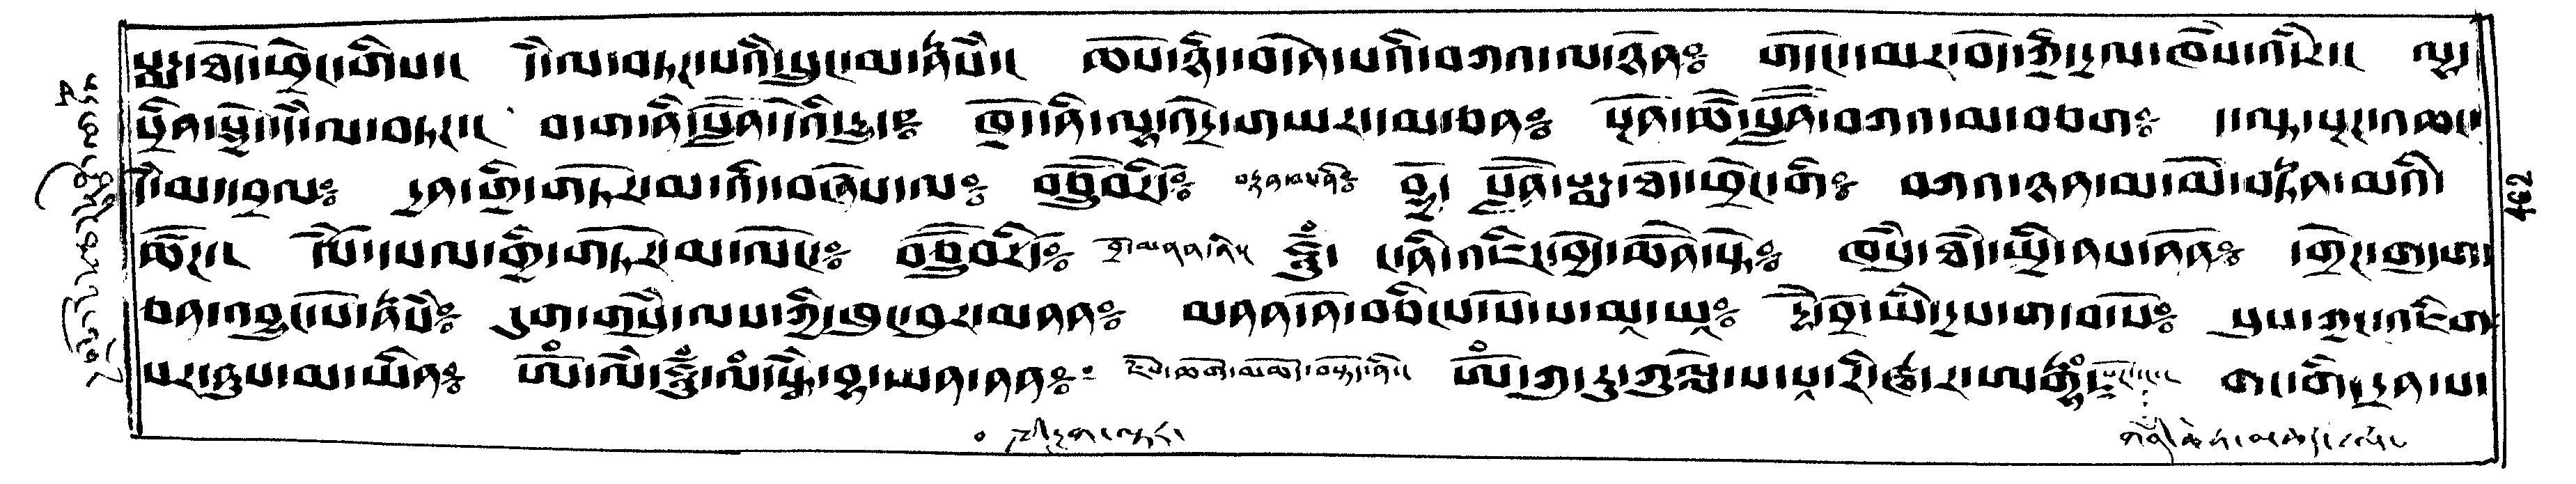པདྨ་ཐོད་ཕྲེང་གིས༔ དམ་ལ་བཏགས་པའི་སྲུང་མ་རྣམས༔ ཆོས་ཉིད་བདེན་པའི་བཀའ་ལ་ཉོན༔ གདོང་དམར་བོད་ཀྱི་རྒྱལ་ཁམས་འདིར༔ ལྷ་
སྲིན་སྡེ་རྒྱ་དམ་ལ་བཏགས༔ བདག་ནི་སློབ་དཔོན་དེའི་རྒྱུད༔ ཁྱོད་ནི་ལྷ་འདྲེ་གཡར་དམ་ཅན༔ སྔོན་ཚེ་སློབ་དཔོན་བཀའ་མ་བཅག༔ ད་ལྟ་སྔགས་འཆང་
དམ་མ་དབྲལ༔ རྒྱན་གྱི་གཏོར་མ་འདི་བཞེས་ལ༔ བཅོལ་པའི་ཕྲིན་ལས་གྲུབ་པར་བརྗོད༔བརྟན་མ་ནི། བྷྱོ༔ སློབ་དཔོན་པདྨ་ཐོད་ཕྲེང་གི༔ བཀའ་ཉན་མ་མོ་བརྟན་མའི་
ཚོགས༔ དམ་ཆོསདཔལ་གྱི་གཏོར་མ་ལོངས༔ བཅོལ་པའི་ཕྲིན་ལས་གྲུབ་པར་མཛོད༔ བྲོ་མནན་ནི། ཧཱུྃ༔ ང་ནི་འཇིགས་བྱེད་ཆེན་པོ་སྟེ༔ ཁམས་གསུམ་ཐམས་ཅད་སྤྱི་ནས་ནོན༔ དགྲ་བགེགས་གདུག་
ཅན་འབྱུང་པོ་རྣམས༔ དུག་གསུམ་ལས་ཀྱི་ཁུང་བུར་མནན༔ མནན་ནོ་བཅིངས་སོ་ས་མཱ་ཡཱ༔ རྡོ་རྗེ་བྲོ་ཡི་རྒྱས་གདབ་པོ༔ སུས་ཀྱང་འཇིག་
པར་ནུས་མ་ཡིན༔ ཨོཾ་ལམ་ཧཱུྃ་ལཾ་སྟྭཾ་བྷ་ཡ་ནན༔ རྗེས་ཆོག་མཆོད་བསྟོད་ནི། ཨོཾ་ཀུ་རུ་ཀུལླེ་ས་པཱ་རི་ཝ་ར་ཨརྒྷཾ༴ སོགས། གང་གི་དྲན་པ་